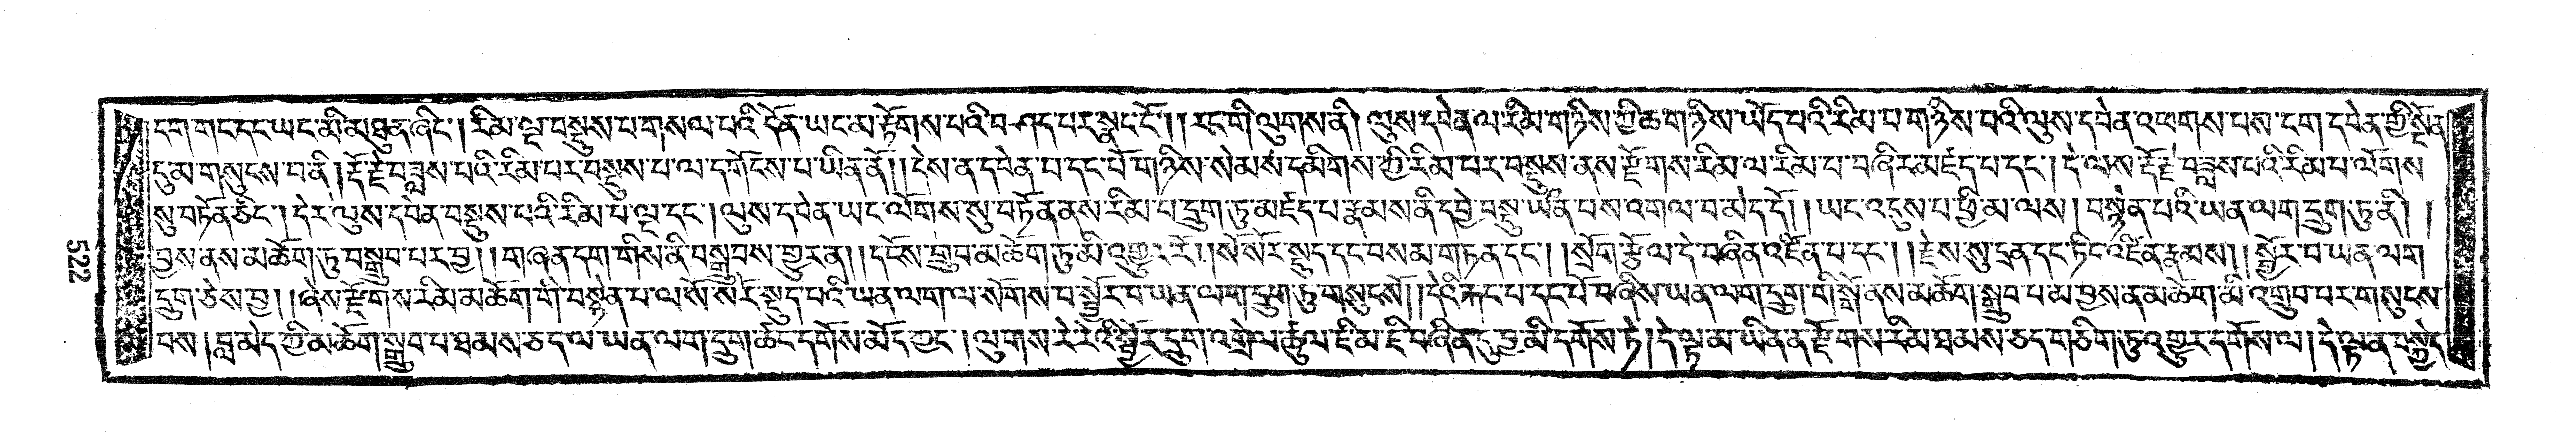དག་གང་དང་ཡང་མི་མཐུན་ཞིང་།རིམ་ལྔ་བསྡུས་པ་གསལ་པའི་དོན་ཡང་མ་རྟོགས་པའི་བཤད་པར་སྣང་ངོ། །རང་གི་ལུགས་ནི། ལུས་དབེན་ལ་རིམ་གཉིས་ཀྱི་ཆ་གཉིས་ཡོད་པའི་རིམ་པ་གཉིས་པའི་ལུས་དབེན་འཕགས་པས་ངག་དབེན་གྱི་སྔོན་
དུ་མ་གསུངས་པ་ནི། རྡོ་རྗེ་བཟླས་པའི་རིམ་པར་བསྡུས་པ་ལ་དགོངས་པ་ཡིན་ནོ། །དེས་ན་དབེན་པ་དང་པོ་གཉིས་སེམས་དམིགས་ཀྱི་རིམ་པར་བསྡུས་ནས་རྫོགས་རིམ་ལ་རིམ་པ་བཞིར་མཛད་པ་དང་། དེ་ལས་རྡོ་རྗེ་བཟླས་པའི་རིམ་པ་ལོགས་
སུ་བཏོན་ཅིང་། དེར་ལུས་དབེན་བསྡུས་པའི་རིམ་པ་ལྔ་དང་། ལུས་དབེན་ཡང་ལོགས་སུ་བཏོན་ནས་རིམ་པ་དྲུག་ཏུ་མཛད་པ་རྣམས་ནི་དབྱེ་བསྡུ་ཡིན་པས་འགལ་བ་མེད་དོ། །ཡང་འདུས་པ་ཕྱི་མ་ལས། བསྙེན་པའི་ཡན་ལག་དྲུག་ཏུ་ནི། །
བྱས་ནས་མཆོག་ཏུ་བསྒྲུབ་པར་བྱ། །གཞན་དག་གིས་ནི་བསྒྲུབས་གྱུར་ན། །དངོས་གྲུབ་མཆོག་ཏུ་མི་འགྱུར་རོ། །སོ་སོར་སྡུད་དང་བསམ་གཏན་དང་། །སྲོག་རྩོལ་དེ་བཞིན་འཛིན་པ་དང་། །རྗེས་སུ་དྲན་དང་ཏིང་འཛིན་རྣམས། །སྦྱོར་བ་ཡན་ལག་
དྲུག་ཅེས་བྱ། །ཞེས་རྫོགས་རིམ་མཆོག་གི་བསྙེན་པ་ལ་སོ་སོར་སྡུད་པའི་ཡན་ལག་ལ་སོགས་པ་སྦྱོར་བ་ཡན་ལག་དྲུག་ཏུ་གསུངས་སོ། །དེའི་རྐང་པ་དང་པོ་བཞིས་ཡན་ལག་དྲུག་གི་སྒོ་ནས་མཆོག་སྒྲུབ་པ་མ་བྱས་ན་མཆོག་མི་འགྲུབ་པར་གསུངས་
པས། བླ་མེད་ཀྱི་མཆོག་སྒྲུབ་པ་ཐམས་ཅད་ལ་ཡན་ལག་དྲུག་ཚང་དགོས་མོད་ཀྱང་། ལུགས་རེ་རེའི་སྦྱོར་དྲུག་འགྲེལ་ཚུལ་ཇི་མ་ཇི་བཞིན་དུ་བྱ་མི་དགོས་ཏེ། དེ་ལྟ་མ་ཡིན་ན་རྫོགས་རིམ་ཐམས་ཅད་གཅིག་ཏུ་འགྱུར་དགོས་ལ། དེ་ལྟ་ན་བསྐྱེད་